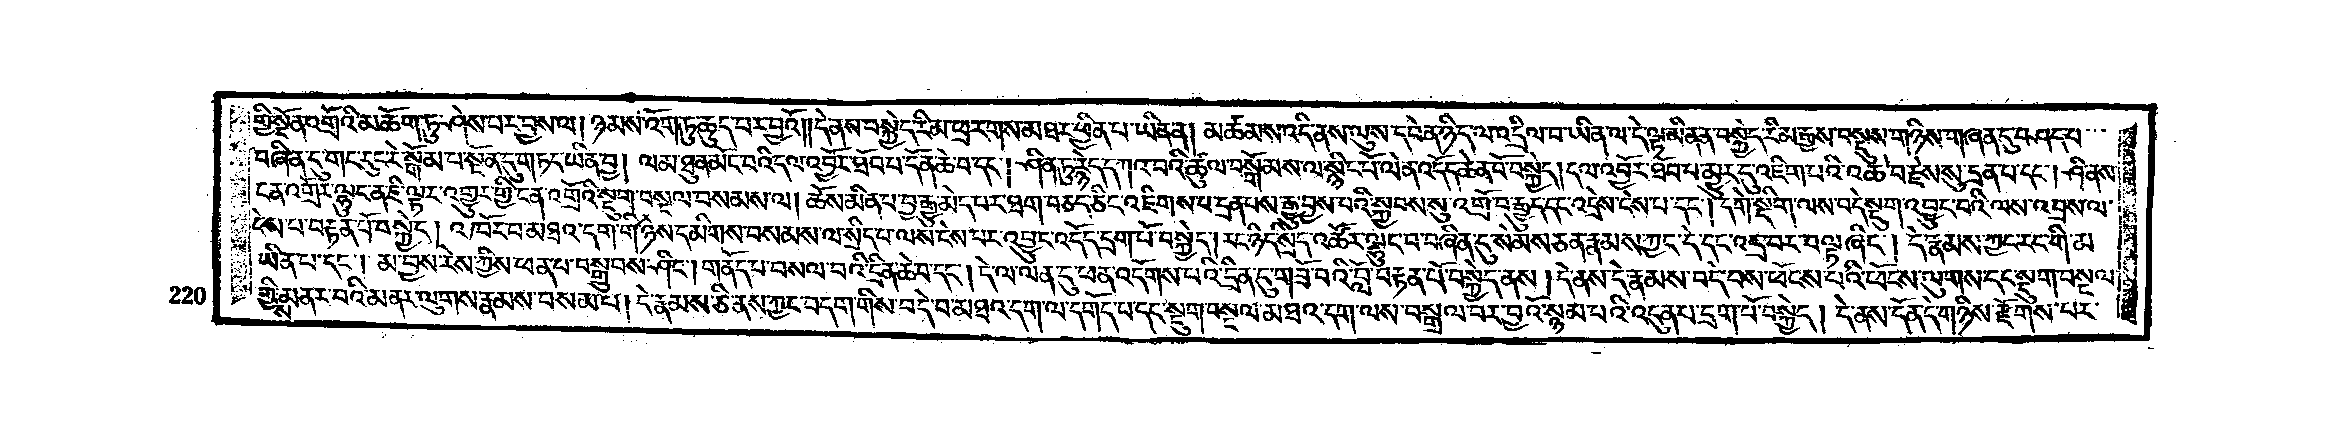གྱི་སྔོན་འགྲོའི་མཆོག་ཏུ་ཤེས་པར་བྱས་ལ། ཉམས་འོག་ཏུ་ཆུད་པར་བྱའོ། །དེ་ནས་བསྐྱེད་རིམ་ཕྲ་རགས་མཐར་ཕྱིན་པ་ཡིན་ན། མཚམས་འདི་ནས་ལུས་དབེན་ཉིད་ལ་འདྲིལ་བ་ཡིན་ལ་དེ་ལྟ་མིན་ན་བསྐྱེད་རིམ་རྒྱས་བསྡུས་གཉིས་གཞན་དུ་བཤད་པ་
བཞིན་དུ་གང་རུང་རོ་སྒོམ་པ་སྔོན་དུ་གཏང་ཡིན་བྱ། ལམ་ཐུན་མོང་བའི་དལ་འབྱོར་ཐོབ་པ་དོན་ཆེ་བ་དང་། ཤིན་ཏུ་རྙེད་དཀའ་བའི་ཚུལ་བསྒོམས་ལ་སྙིང་པོ་ལེན་འདོད་ཆེན་པོ་བསྐྱེད། དལ་འབྱོར་ཐོབ་པ་མྱུར་དུ་འཇིག་པའི་ཆེ་བ་རྗེས་སུ་དྲན་པ་དང་། ཤི་ནས་
ངན་འགྲོར་ལྷུང་ན་ཇི་ལྟར་འགྱུར་གྱི་ངན་འགྲོའི་སྡུག་བསྔལ་བསམས་ལ། ཆོས་མིན་པ་བྱ་རྒྱུ་མེད་པར་ཐག་བཅད་ཅིང་འཇིགས་པ་དྲན་པས་རྒྱུ་བྱས་པའི་སྐྱབས་སུ་འགྲོ་བ་རྒྱུད་དང་འདྲེས་ངེས་པ་དང་། དགེ་སྡིག་ལས་བདེ་སྡུག་འབྱུང་བའི་ལས་འབྲས་ལ་
ངེས་པ་བརྟན་པོ་བསྐྱེད། འཁོར་བ་མཐའ་དག་གི་ཉེས་དམིགས་བསམས་ལ་སྲིད་པ་ལས་ངེས་པར་འབྱུང་འདོད་དྲག་པོ་བསྐྱེད། རང་ཉིད་སྲིད་འཚོར་ལྷུང་བ་བཞིན་དུ་སེམས་ཅན་རྣམས་ཀྱང་དེ་དང་འདྲ་བར་བལྟ་ཞིང་། དེ་རྣམས་ཀྱང་རང་གི་མ་
ཡིན་པ་དང་། མ་བྱས་རེས་ཀྱིས་ཕན་པ་བསྒྲུབས་ཤིང་། གནོད་པ་བསལ་བའི་དྲིན་ཆེ་བ་དང་། དེ་ལ་ལན་དུ་ཕན་འདོགས་པའི་དྲིན་དུ་གཟོ་བའི་བློ་བརྟན་པོ་བསྐྱེད་ནས། དེ་ནས་དེ་རྣམས་བདེ་བས་ཕོངས་པའི་ཕོངས་ལུགས་དང་སྡུག་བསྔལ་
གྱིས་མནར་བའི་མནར་ལུགས་རྣམས་བསམ་ལ། དེ་རྣམས་ཅི་ནས་ཀྱང་བདག་གིས་བདེ་བ་མཐའ་དག་ལ་དགོད་པ་དང་སྡུག་བསྔལ་མཐའ་དག་ལས་བསྒྲལ་བར་བྱའོ་སྙམ་པའི་འདུན་པ་དྲག་པོ་བསྐྱེད། དེ་ནས་དོན་དེ་གཉིས་རྫོགས་པར་